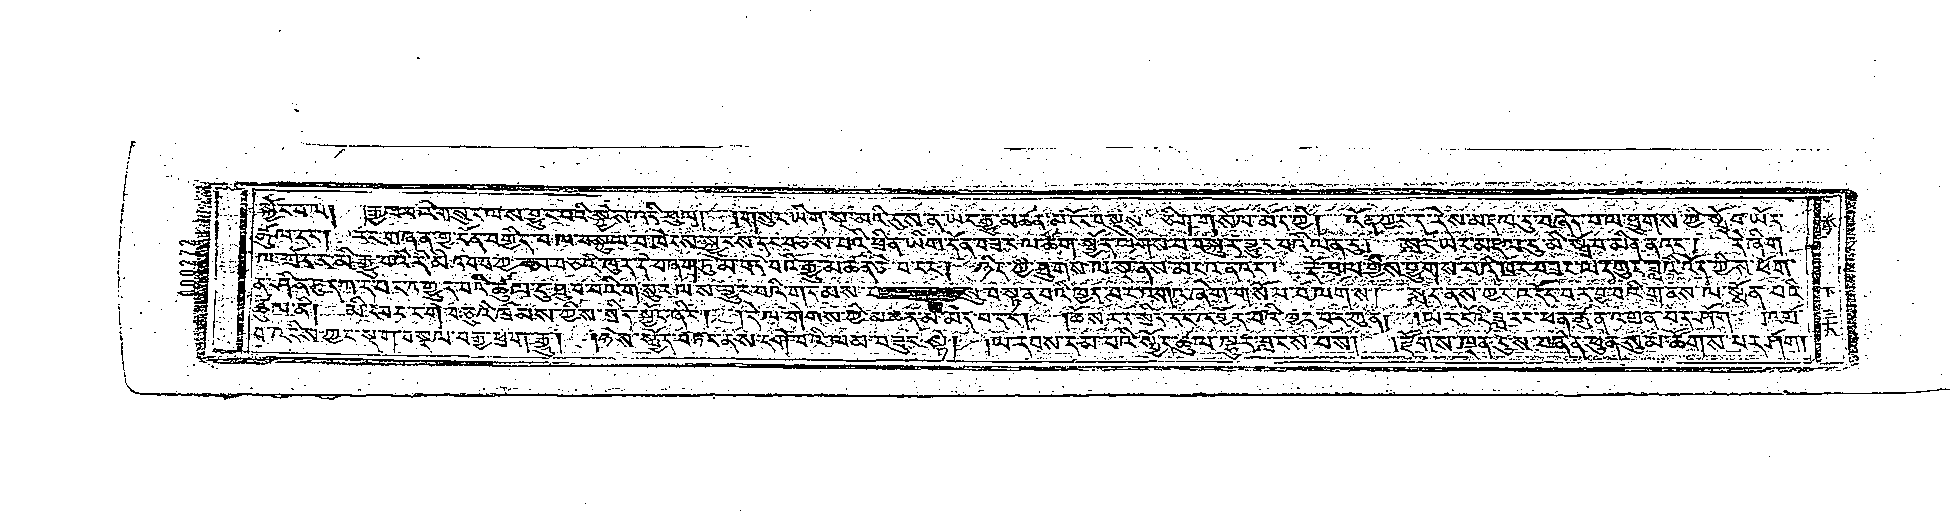སྐྱོང་བ་ལ། །རྒྱལ་བའི་གསུང་ལས་བྱུང་བའི་སྐྱེས་འདི་ཕུལ། །གསུང་ཡིག་སྔ་མའི་དུས་ན་ཡང་རྒྱུ་མཚན་མདོར་བསྡུས་ཅིག་གསོལ་མོང་ཀྱི། འོན་ཀྱང་ད་རེས་མཇལ་དུ་བཞེད་པ་ལ་ཐུགས་ཀྱི་སྤྲོ་བ་ཡོད་
ཚུལ་དང་། རང་གཞན་གྱི་དོན་བགྱིད་བ་ལ་བསྐུལ་བ་ཁེངས་སྐྱུངས་དང་བཅས་པའི་ཕྲིན་ཡིག་དོན་བཟང་ལ་ཚིག་སྦྱོར་ལེགས་པ་བསྐུར་བྱུང་བའི་ལན་དུ། སླར་ཡང་མཇལ་དུ་མི་སྤྲོ་བ་མིན་ནའང་། རེ་ཞིག་
ལ་ཀྲོད་དུ་མི་རྒྱུ་བའི་རི་མི་འབབ་ཀྱ་དམ་བཅའི་ཁུར་དེ་བཞག་ཏུ་མ་བདེ་བའི་རྒྱུ་མཚན་ཅེ་བ་དང་། ཉིད་ཀྱི་ཐུགས་ལ་སྔ་ནས་མངའ་ནའང་། རྡོ་ཐལ་གྱིས་བྱུགས་པའི་ཁང་བཟང་ལ་དགུང་ཟླའི་འོད་ཀྱིས་ཕོག་
ནང་ཤིན་ཏུ་དཀར་བར་འགྱུར་བའི་ཚུལ་དུ་ཐུབ་པའི་གསུང་ལས་བྱུང་བའི་གདམས་པ་སུ་བསྟན་བའི་ཁྱད་པར་འགའ་ཞིག་གསོམ་བ་ལགས། སླར་ནས་ཀྱང་འདོད་པར་བྱ་བའི་གནས་ལ་སྨོན་པའི་
ཚུལ་ནི། མི་དབང་དགེ་བཅུའི་ཁྲིམས་ཀྱིས་སྲིད་སྐྱོང་ཞིང་། །དེ་ལ་གེགས་ཀྱི་མཚན་མ་མེད་པ་དང་། །ཆོས་དང་སྲིད་དང་འབྱོར་བའི་ཁྱད་པར་ཀུན། །ལར་ངོའི་ཟླ་རང་ཕན་ཚུན་འགྲན་བར་ཤོག །འགྲོ་
བ་འདིས་ཀྱང་སྡུག་བསྔལ་བརྒྱ་ཕྲག་རྒྱུ། །ཉེས་སྤྱོད་བཏང་ནས་དགེ་བའི་ལམ་བཟུང་སྟེ། །ཡ་རབས་དམ་པའི་སྤྱོད་ཚུལ་ལྷུར་བླངས་པས། །རྫོགས་ལྡན་དུས་བཞིན་ཕུན་སུམ་ཚོགས་པར་ཤོག།